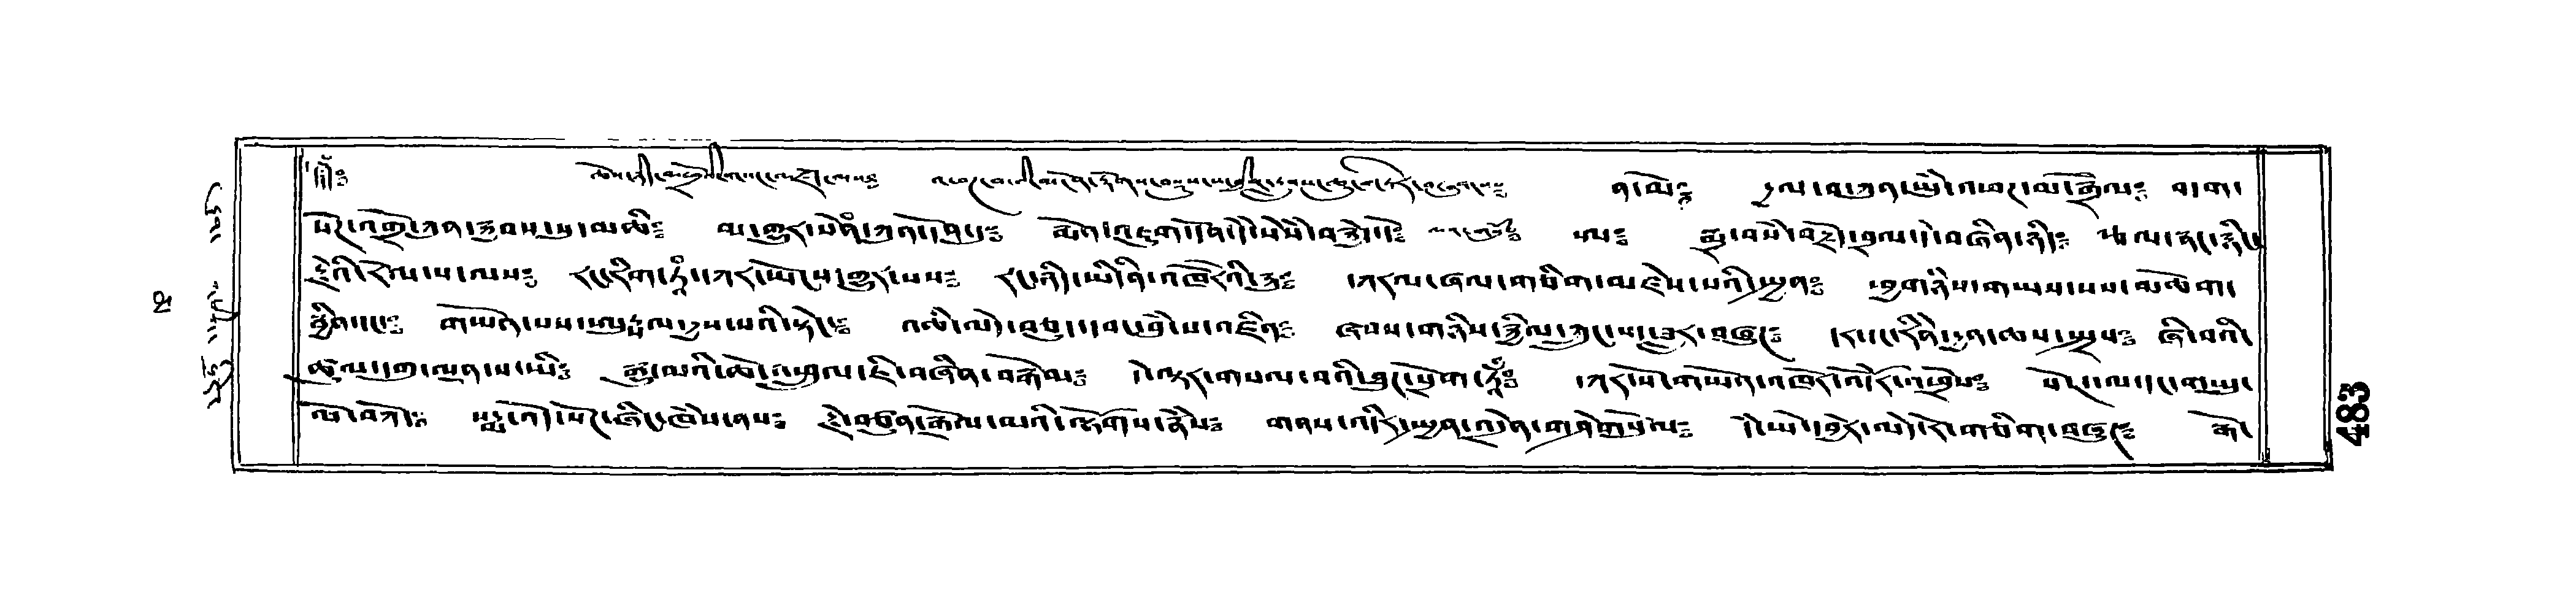ཆོས་ཉིད་མཁའ་འགྲོའི་གསང་མཛོད་ལས༔ འཕགས་མའི་མངོན་རྟོགས་བསྡུས་པ་བྱིན་རླབས་ཆུ་གཏེར་བཞུགས༔ ན་མོ༔ རྒྱལ་བ་ཀུན་ཡུམ་འཕགས་མ་སྒྲོལ༔ བདག་
སོགས་འགྲོ་ཀུན་སྐྱབས་སུ་མཆི༔ མ་གྱུར་སེམས་ཅན་ཀུན་དོན་དུ༔ སྨོན་འཇུག་དོན་དམ་སེམས་བསྐྱེད་དོ༔ ལན་གསུམ༔ ཨཱཿ སྨྲ་བསམ་བརྗོད་བྲལ་དེ་བཞིན་ཉིད༔ རྩལ་སྣང་སྙིང་
རྗེའི་རོལ་པ་ལས༔ རང་རིག་ཏཱཾ་དཀར་ཡོངས་གྱུར་པས༔ རང་ཉིད་ཡིད་བཞིན་འཁོར་ལོའི་སྐུ༔ དཀར་གསལ་ཞལ་གཅིག་མཛེས་པའི་སྤྱན༔ ཕྱག་གཉིས་གཡས་པས་མཆོག་
སྦྱིན་དང༔ གཡོན་པས་ཨུཏྤལ་རྒྱས་པའི་སྟེང༔ འཆི་མེད་བཅུད་དབང་བུམ་པ་འཛིན༔ ཞབས་གཉིས་སྐྱིལ་ཀྲུང་པད་ཟླར་བཞུགས༔ དར་དང་རིན་ཆེན་རྒྱན་ཆས་སྤྲས༔ ཞི་བའི་
ཚུལ་དགུ་ལྡན་པ་ཡི༔ སྒྱུ་མའི་ཆོ་འཕྲུལ་ཇི་བཞིན་བསྒོམ༔ དེ་ལྟར་གསལ་བའི་ཐུགས་སྲོག་ཏཱཾ༔ དཀར་པོ་གཡོན་འཁོར་འོད་ཟེར་འཕྲོས༔ པོ་ཊ་ལ་དང་གཡུ་
ལོ་བཀོད༔ པདྨ་འོད་སོགས་ཞིང་ཁམས་ནས༔ རྗེ་བཙུན་སྒྲོལ་མའི་ལྷ་ཚོགས་རྣམས༔ གནས་འདིར་སྤྱན་འདྲེན་གཤེགས་སུ་གསོལ༔ དམ་ཡེ་དབྱེར་མེད་རོ་གཅིག་བཞུགས༔ སྒོ་